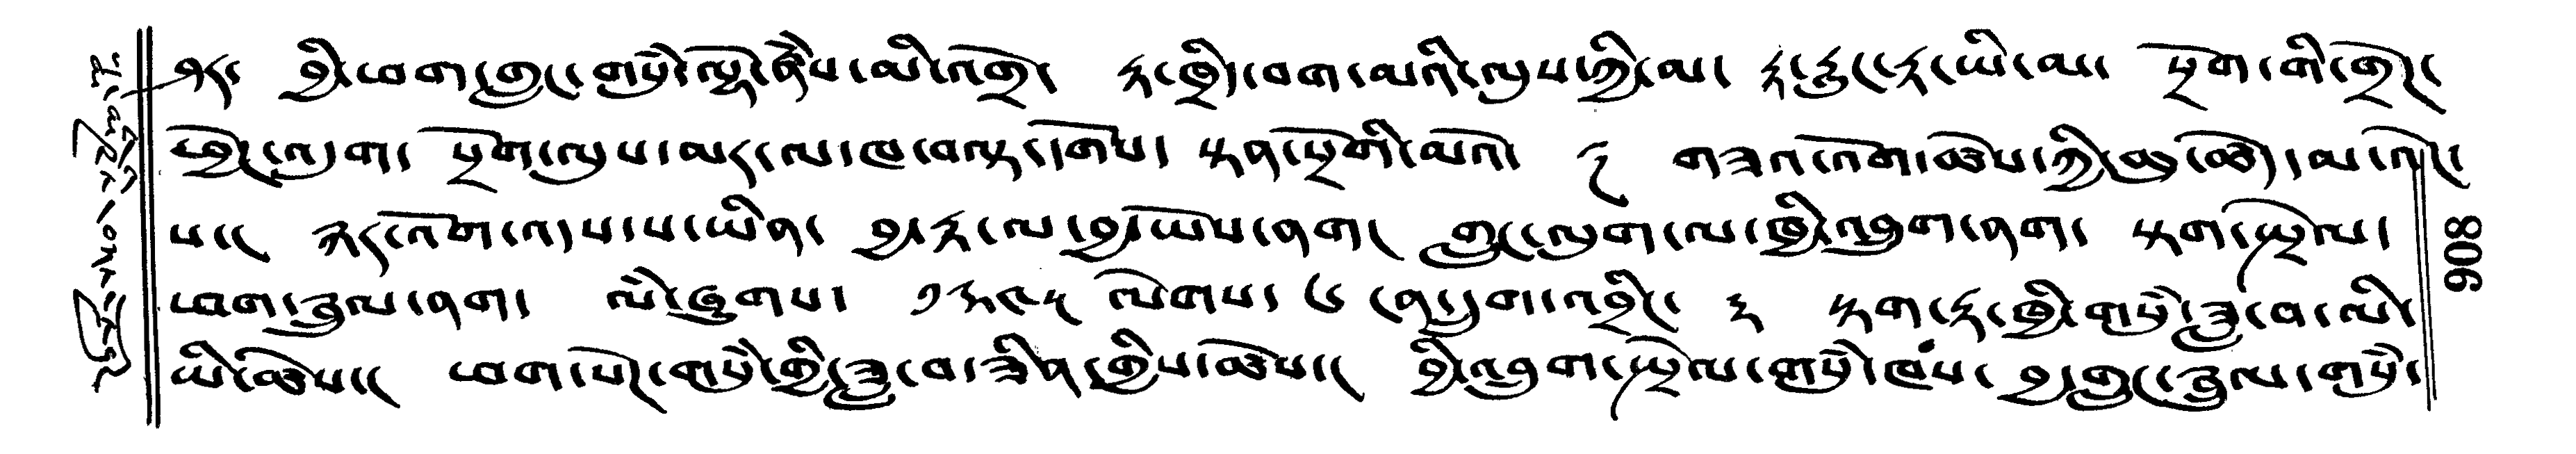ཤར། བྱི་ཕག་གླང་གསུམ་ལྷོ་རྣམས་མི་འགྲོ། རྟ་ཁྲིད་བག་མའི་ལུས་ཀྱི་མ།རྟ་རླུང་རྟ་ཡི་མ། སྲོག་གི་གྲོགས་
ཕྱོགས་འདུག སྲོག་ལུས་མར་ལ་ཁ་བལྟ་དགོས། སྟན་སྲོག་གི་མའོ། ༈ གཟའ་འོག་ཚེས་ཀྱི་ཆུ་ཚོད་མ་འོངས་
པ། སྐར་འོག་འདས་པ་ཡིན། བྱ་རྟ་ལ་བྱ་ཡོས་ནག གླང་ལུག་ལ་ཁྱི་འབྲུག་ནག སྟག་སྤྲེལ་
ཕག་སྦྲུལ་ནག ལམ་ཞུགས་ ༡༣༤༥ ལེགས། ༦ ངན་དྲུག་འབྲིང་། ༣ སྟག་རྟ་ཁྱི་གསུམ་ཟླ་བ་ལི་
ཡི་ཚེས། ཕག་སོགས་གསུམ་གྱི་ཟླ་བ་ཟིན་གྱིས་ཚེས། བྱི་འབྲུག་སྤྲེལ་ཁམས་བྱ་གླང་སྦྲུལ་གསུམ་